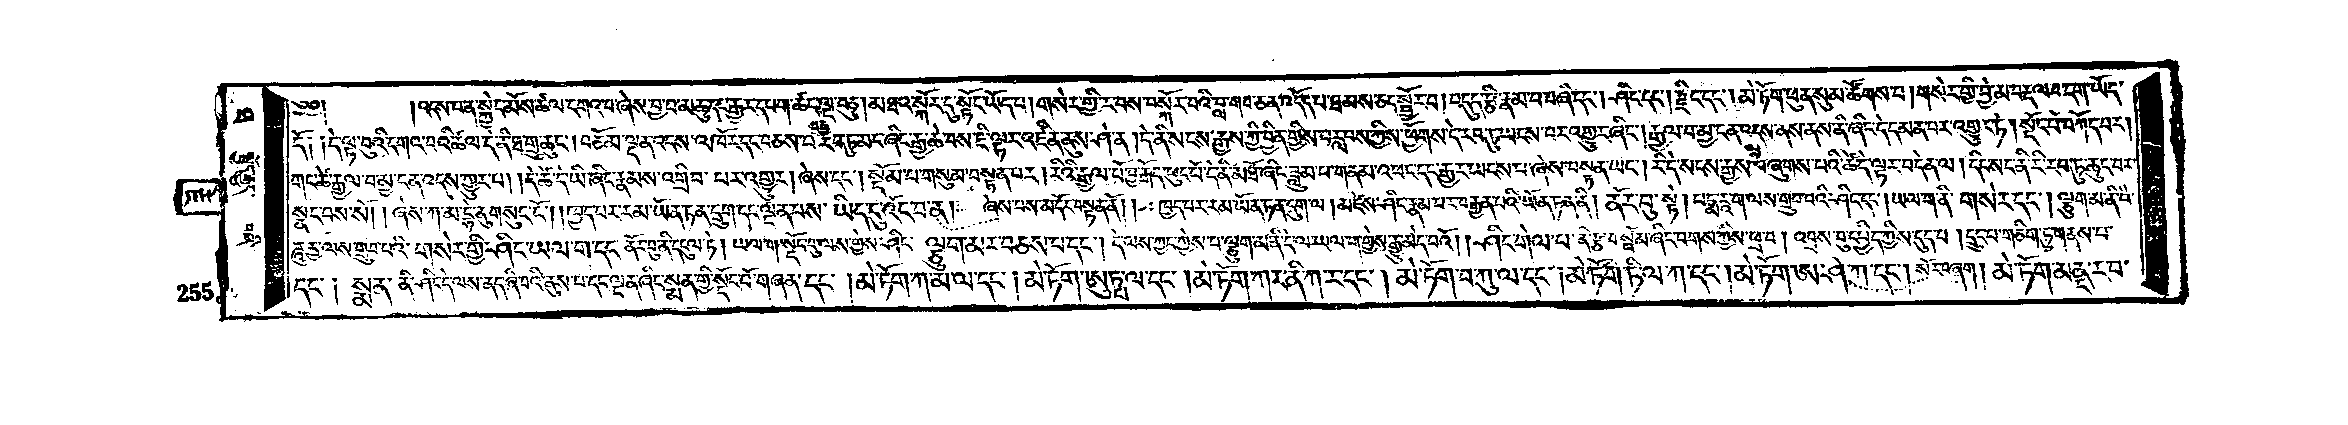༄༅། །འདས་པ་ན་སྐྱེད་མོས་ཚལ་དགའ་བ་ཞེས་བྱ་བ་མཆུ་དང་རྒྱར་དཔག་ཚང་བརྒྱ་ལྔ་བཅུ། མཐའ་སྐོར་དུ་སྟོང་ཡོད་པ། གསེར་གྱི་ར་བས་བསྐོར་བའི་བླ་གབ་ཅན་འདོད་པ་ཐམས་ཅད་སྦྱོར་བ། བདུད་རྩི་རྣམ་པ་བཞི་དང་། ཤིང་དང་། རྫིང་དང་། མེ་ཏོག་ཕུན་སུམ་ཚོགས་པ། གསེར་གྱི་བྱེ་མ་བརྡལ་བ་དག་ཡོད་
དོ། །དེ་ལྟ་བུའི་དགའ་བའི་ཚལ་དེ་ནི་ཐ་གྲུ་ཆུང་། བཅོམ་ལྡན་འདས་འཁོར་དང་བཅས་པ་རབ་ཏུ་མང་ཞིང་རྒྱ་ཆེ་བས་ཇི་ལྟར་འཛིན་ནུས་ཤེ་ན། དེ་ནི་སངས་རྒྱས་ཀྱི་བྱིན་གྱིས་བརླབས་ཀྱིས་ཕྱོགས་དེ་རབ་ཏུ་ཡངས་བར་འགྱུར་ཞིང་། རྒྱལ་བ་མྱ་ངན་ལས་འདས་ནས་ནས་ནི་ཞིང་དེ་དམན་པར་འགྱུར་ཏེ། སྡོང་པོ་བཀོད་པར།
གང་ཚེ་རྒྱལ་བ་མྱ་ངན་འདས་གྱུར་པ། །དེ་ཚེ་དེ་ཡི་ཞིང་རྣམས་འགྲིབ་པར་འགྱུར། ཞེས་དང་། སྡོམ་པ་གསུམ་བསྟན་པར། རིའི་རྒྱལ་པོ་བྱ་རྒོད་ཕུང་པོ་དེ་ནི་མཐོ་ཞིང་ཟླུམ་པ་གནམ་འཕང་དང་རྒྱར་ཡངས་པ་ཞེས་བསྟན་ཡང་། རི་དེ་སངས་རྒྱས་བཞུགས་པའི་ཚེ་དེ་ལྟར་བདེན་ལ། དིང་སང་ནི་རི་རབ་ཏུ་ཆུང་བར་
སྣང་བས་སོ། །ཞེས་ཀ་མ་དྷེ་ནུ་གསུང་ངོ། །ཁྱད་པར་རམ་ཡོན་ཏན་དྲུག་དང་ལྡན་པས་ཡིད་དུ་འོང་བ་ན། ཞེས་པས་མདོར་བསྟན་ནོ། །ཁྱད་པར་རམ་ཡོན་ཏན་དྲུག་ལ། མཛེས་ཤིང་རྣམ་པར་བརྒྱན་པའི་ཡོན་ཏན་ནི། ནོར་བུ་སྟེ། པདམ་རཱ་ག་ལས་གྲུབ་པའི་ཤིང་དང་། ཡལ་ག་ནི་གསེར་དང་། ལྕུག་མ་ནི་བཻ་
ཌཱུརྱ་ལས་གྲུབ་པའི་གསེར་གྱི་ཤིང་ཡལ་ག་དང་ནོར་བུ་ནི་དངུལ་ཏེ། ཡལ་ག་སྡོང་བུ་ལས་གྱེས་ཤིང་། ལྕུག་མར་བཅས་པ་དང་། དེ་ལས་ཀྱང་གྱེས་པ་ལྕུག་མ་ནི་དེ་ལ་ཡལ་ག་གྱེས་རྒྱུ་མེད་པའོ། །ཤིང་གེལ་པ་ནི་རྩ་བ་སྦོམ་ཞིང་བགས་ཀྱིས་ཕྲ་བ། འབྲས་བུ་དཔྱིད་ཀྱིས་དུད་པ། དྲུང་བ་གཅིག་ཏུ་གནས་པ་
དང་། སྨན་ནི་ཤིང་དེ་ལས་ནད་ཞི་བའི་ནུས་པ་དང་ལྡན་ཞིང་སྨན་གྱི་སྡོང་པོ་གཞན་དང་། མེ་ཏོག་ཀ་མ་ལ་དང་། མེ་ཏོག་ཨུཏྤ་ལ་དང་། མེ་ཏོག་ཀར་ནི་ཀ་ར་དང་། མེ་ཏོག་བ་ཀུ་ལ་དང་། མེ་ཏོག་ཏི་ལ་ཀ་དང་། མེ་ཏོག་ཨ་ཤེ་ཀ་དང་། སོར་བཞག །མེ་ཏོག་མནྡ་ར་བ་